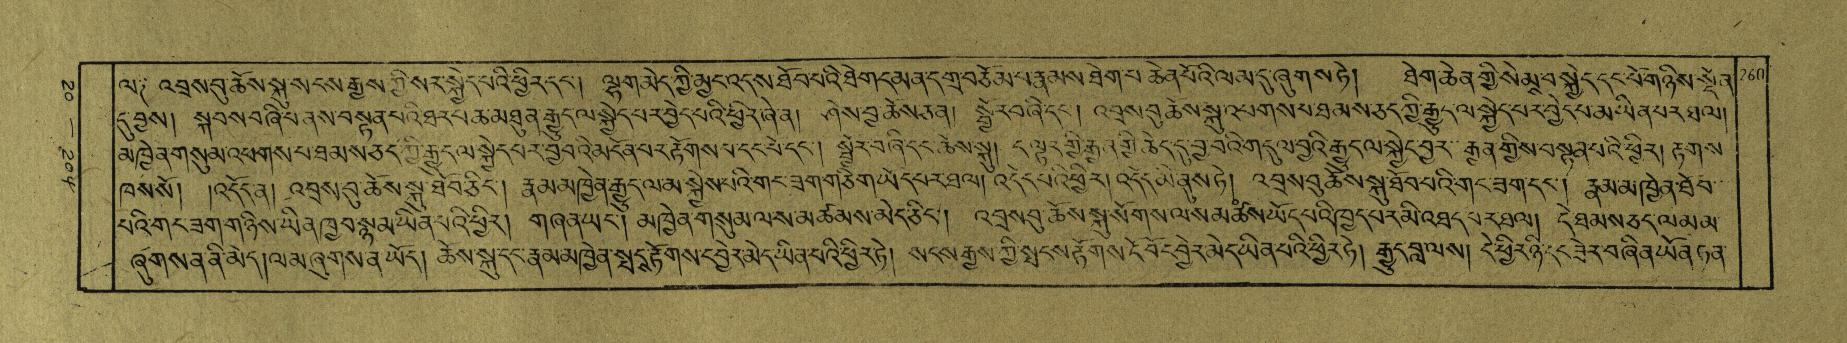ལ༑ འབྲས་བུ་ཆོས་སྐུ་སངས་རྒྱས་ཀྱི་སར་སྐྱེད་པའི་ཕྱིར་དང་། ལྷག་མེད་ཀྱི་མྱང་འདས་ཐོབ་པའི་ཐེག་དམན་དགྲ་བཅོམ་པ་རྣམས་ཐེག་པ་ཆེན་པོའི་ལམ་དུ་ཞུགས་ཏེ། ཐེག་ཆེན་གྱི་སེམས་བསྐྱེད་དང་པོ་གཉིས་སྔོན་
དུ་བྱས། སྐབས་བཞི་པ་ནས་བསྟན་པའི་ཐར་པ་ཆ་མཐུན་རྒྱུད་ལ་སྐྱེད་པར་བྱེད་པའི་ཕྱིར་ཞེ་ན། ཤེས་བྱ་ཆོས་ཅན། སྦྱོར་བཞི་དང་། འབྲས་བུ་ཆོས་སྐུ་འཕགས་པ་ཐམས་ཅད་ཀྱི་རྒྱུད་ལ་སྐྱེད་པར་བྱེད་པ་མ་ཡིན་པར་ཐལ།
མཁྱེན་གསུམ་འཕགས་པ་ཐམས་ཅད་ཀྱི་རྒྱུད་ལ་སྐྱེད་པར་བྱ་བའི་མངོན་པར་རྟོགས་པ་དང་པོ་དང་། སྦྱོར་བཞི་དང་ཆོས་སྐུ། ད་ལྟར་གྱི་རྒྱན་གྱི་ཆེད་དུ་བྱ་བའི་གདུལ་བྱའི་རྒྱུད་ལ་སྐྱེད་བྱར་རྒྱན་གྱིས་བསྟན་པའི་ཕྱིར། རྟགས་
ཁས་སོ། །འདོད་ན། འབྲས་བུ་ཆོས་སྐུ་ཐོབ་ཅིང་། རྣམ་མཁྱེན་རྒྱུད་ལ་མ་སྐྱེས་པའི་གང་ཟག་གཅིག་ཡོད་པར་ཐལ། འདོད་པའི་ཕྱིར། འདོད་མི་ནུས་ཏེ། འབྲས་བུ་ཆོས་སྐུ་ཐོབ་པའི་གང་ཟག་དང་། རྣམ་མཁྱེན་ཐོབ་
པའི་གང་ཟག་གཉིས་ཡིན་ཁྱབ་སྙམ་ཡིན་པའི་ཕྱིར། གཞན་ཡང་། མཁྱེན་གསུམ་ལ་ས་མཚམས་མེད་ཅིང་། འབྲས་བུ་ཆོས་སྐུ་སོགས་ལ་ས་མཚཾས་ཡོད་པའི་ཁྱད་པར་མི་འཐད་པར་ཐལ། དེ་ཐམས་ཅད་ལམ་མ་
ཞུགས་ན་ནི་མེད། ལམ་ཞུགས་ན་ཡོད། ཆོས་སྐུ་དང་རྣམ་མཁྱེན་སྤངས་རྟོགས་དབྱེར་མེད་ཡིན་པའི་ཕྱིར་ཏེ། སངས་རྒྱས་ཀྱི་སྤངས་རྟོགས་ངོ་བོ་དབྱེར་མེད་ཡིན་པའི་ཕྱིར་ཏེ། རྒྱུད་བླ་ལས། དེ་ཕྱིར་ཉི་དང་ཟེར་བཞིན་ཡོན་ཏན་